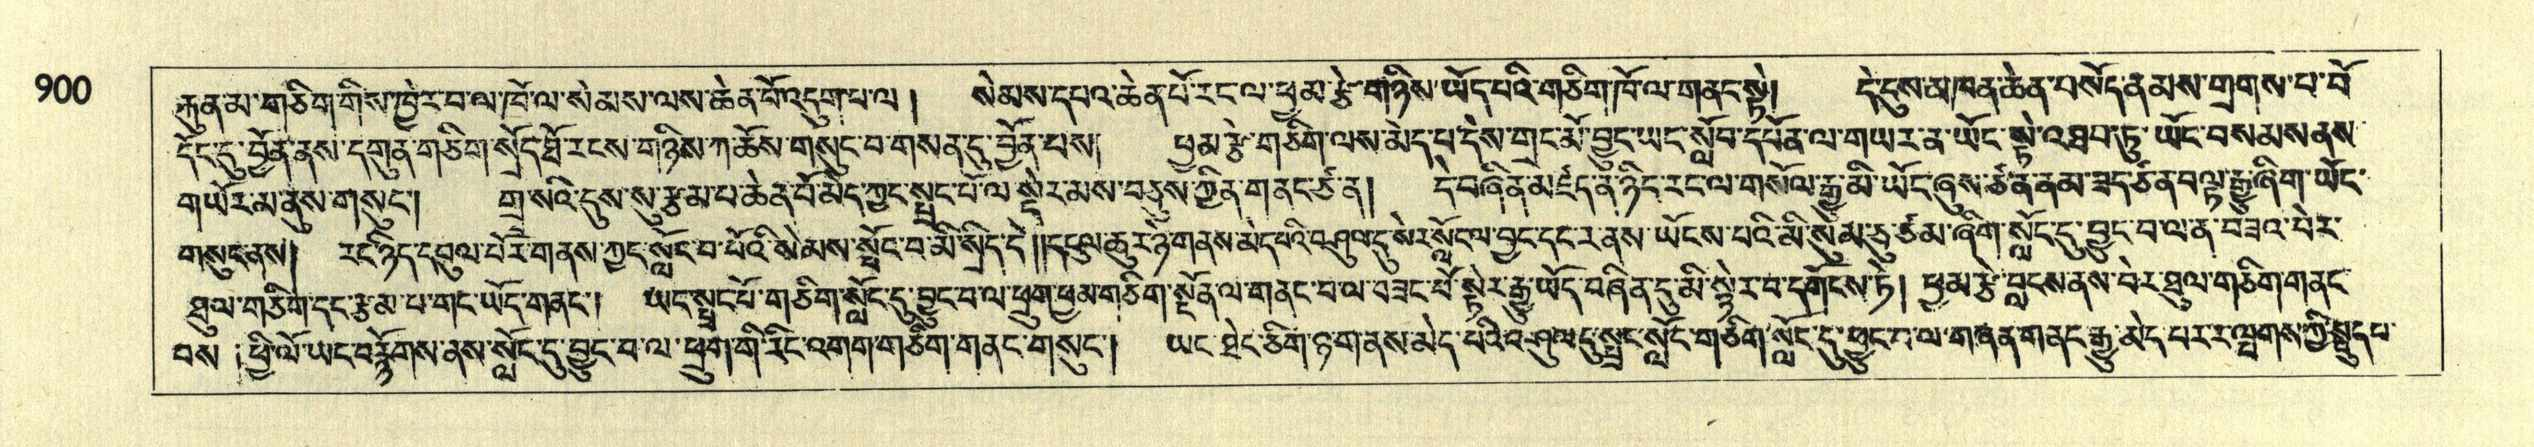རྐུན་མ་གཅིག་གིས་ཁྱེར་བ་ལ་ཁོ་ལ་སེམས་ལས་ཆེན་པོ་འདུག་པ་ལ། སེམས་དཔའ་ཆེན་པོ་རང་ལ་ཕྱམ་རྩེ་གཉིས་ཡོད་པའི་གཅིག་ཁོ་ལ་གནང་སྟེ། དེ་དུས་མཁན་ཆེན་བསོད་ནམས་གྲགས་པ་བོ་
དོང་དུ་བྱོན་ནས་དགུན་གཅིག་སྲོད་ཐོ་རངས་གཉིས་ཀ་ཆོས་གསུང་བ་གསན་དུ་བྱོན་པས། ཕྱམ་རྩེ་གཅིག་ལས་མེད་པ་དེས་གྲང་མོ་བྱུང་ཡང་སློབ་དཔོན་ལ་གཡར་ན་ཡོང་སྟེ་འཐབ་ཏུ་ཡོང་བསམས་ནས་
གཡོར་མ་ནུས་གསུང་། གྲྭ་སའི་དུས་སུ་རྩམ་པ་ཆེན་པོ་མེད་ཀྱང་སྤྲང་པོ་ལ་སྡེར་མས་བཅུས་ཀྱིན་གནང་ཙ་ན། དེ་བཞིན་མཛད་ན་ཉིད་རང་ལ་གསོལ་རྒྱུ་མི་ཡོང་ཞུས་ཙ་ན་ནམ་ཟད་ཙ་ན་བལྟ་རྒྱུ་ཞིག་ཡོང་
གསུང་ནས། རང་ཉིད་དབུལ་པོར་གནས་ཀྱང་སློང་བ་པོའི་སེམས་སྤོང་བ་མི་སྲིད་དེ། །དངུལ་ཆུར་ཉེ་གནས་མེད་པའི་བཤུལ་དུ་སེར་སློང་ལ་བྱང་དང་ར་ནས་ཡོངས་པའི་མི་སུམ་ཅུ་ཙམ་ཞིག་སློང་དུ་བྱུང་བ་ལ་ན་བཟའ་པེར་
ཐུལ་གཅིག་དང་རྩམ་པ་གང་ཡོད་གནང་། ཡང་སྤྲང་པོ་གཅིག་སློང་དུ་བྱུང་བ་ལ་ཕྲུག་ཕྱམ་གཅིག་སྔོན་ལ་གནང་བ་ལ་བཟང་པོ་སྟེར་རྒྱུ་ཡོད་བཞིན་དུ་མི་སྙེར་བ་དགོངས་ཏེ། ཕྱམ་རྩེ་བླངས་ནས་བེར་ཐུལ་གཅིག་གནང་
བས་།ཕྱི་ལོ་ཡང་བརྙོགས་ནས་སློང་དུ་བྱུང་བ་ལ་ཕྲུག་གི་རིང་འགག་གཅིག་གནང་གསུང་། ཡང་ཐེང་ཅིག་ཉ་ག་ནས་མེད་པའི་འྴུལ་དུ་སྤྲང་སློང་གཅིག་སློང་དུ་ཕྱུང་བ་ལ་གཞན་གནང་རྒྱུ་མེད་པར་ར་ལྤགས་ཀྱི་སྦུད་པ་